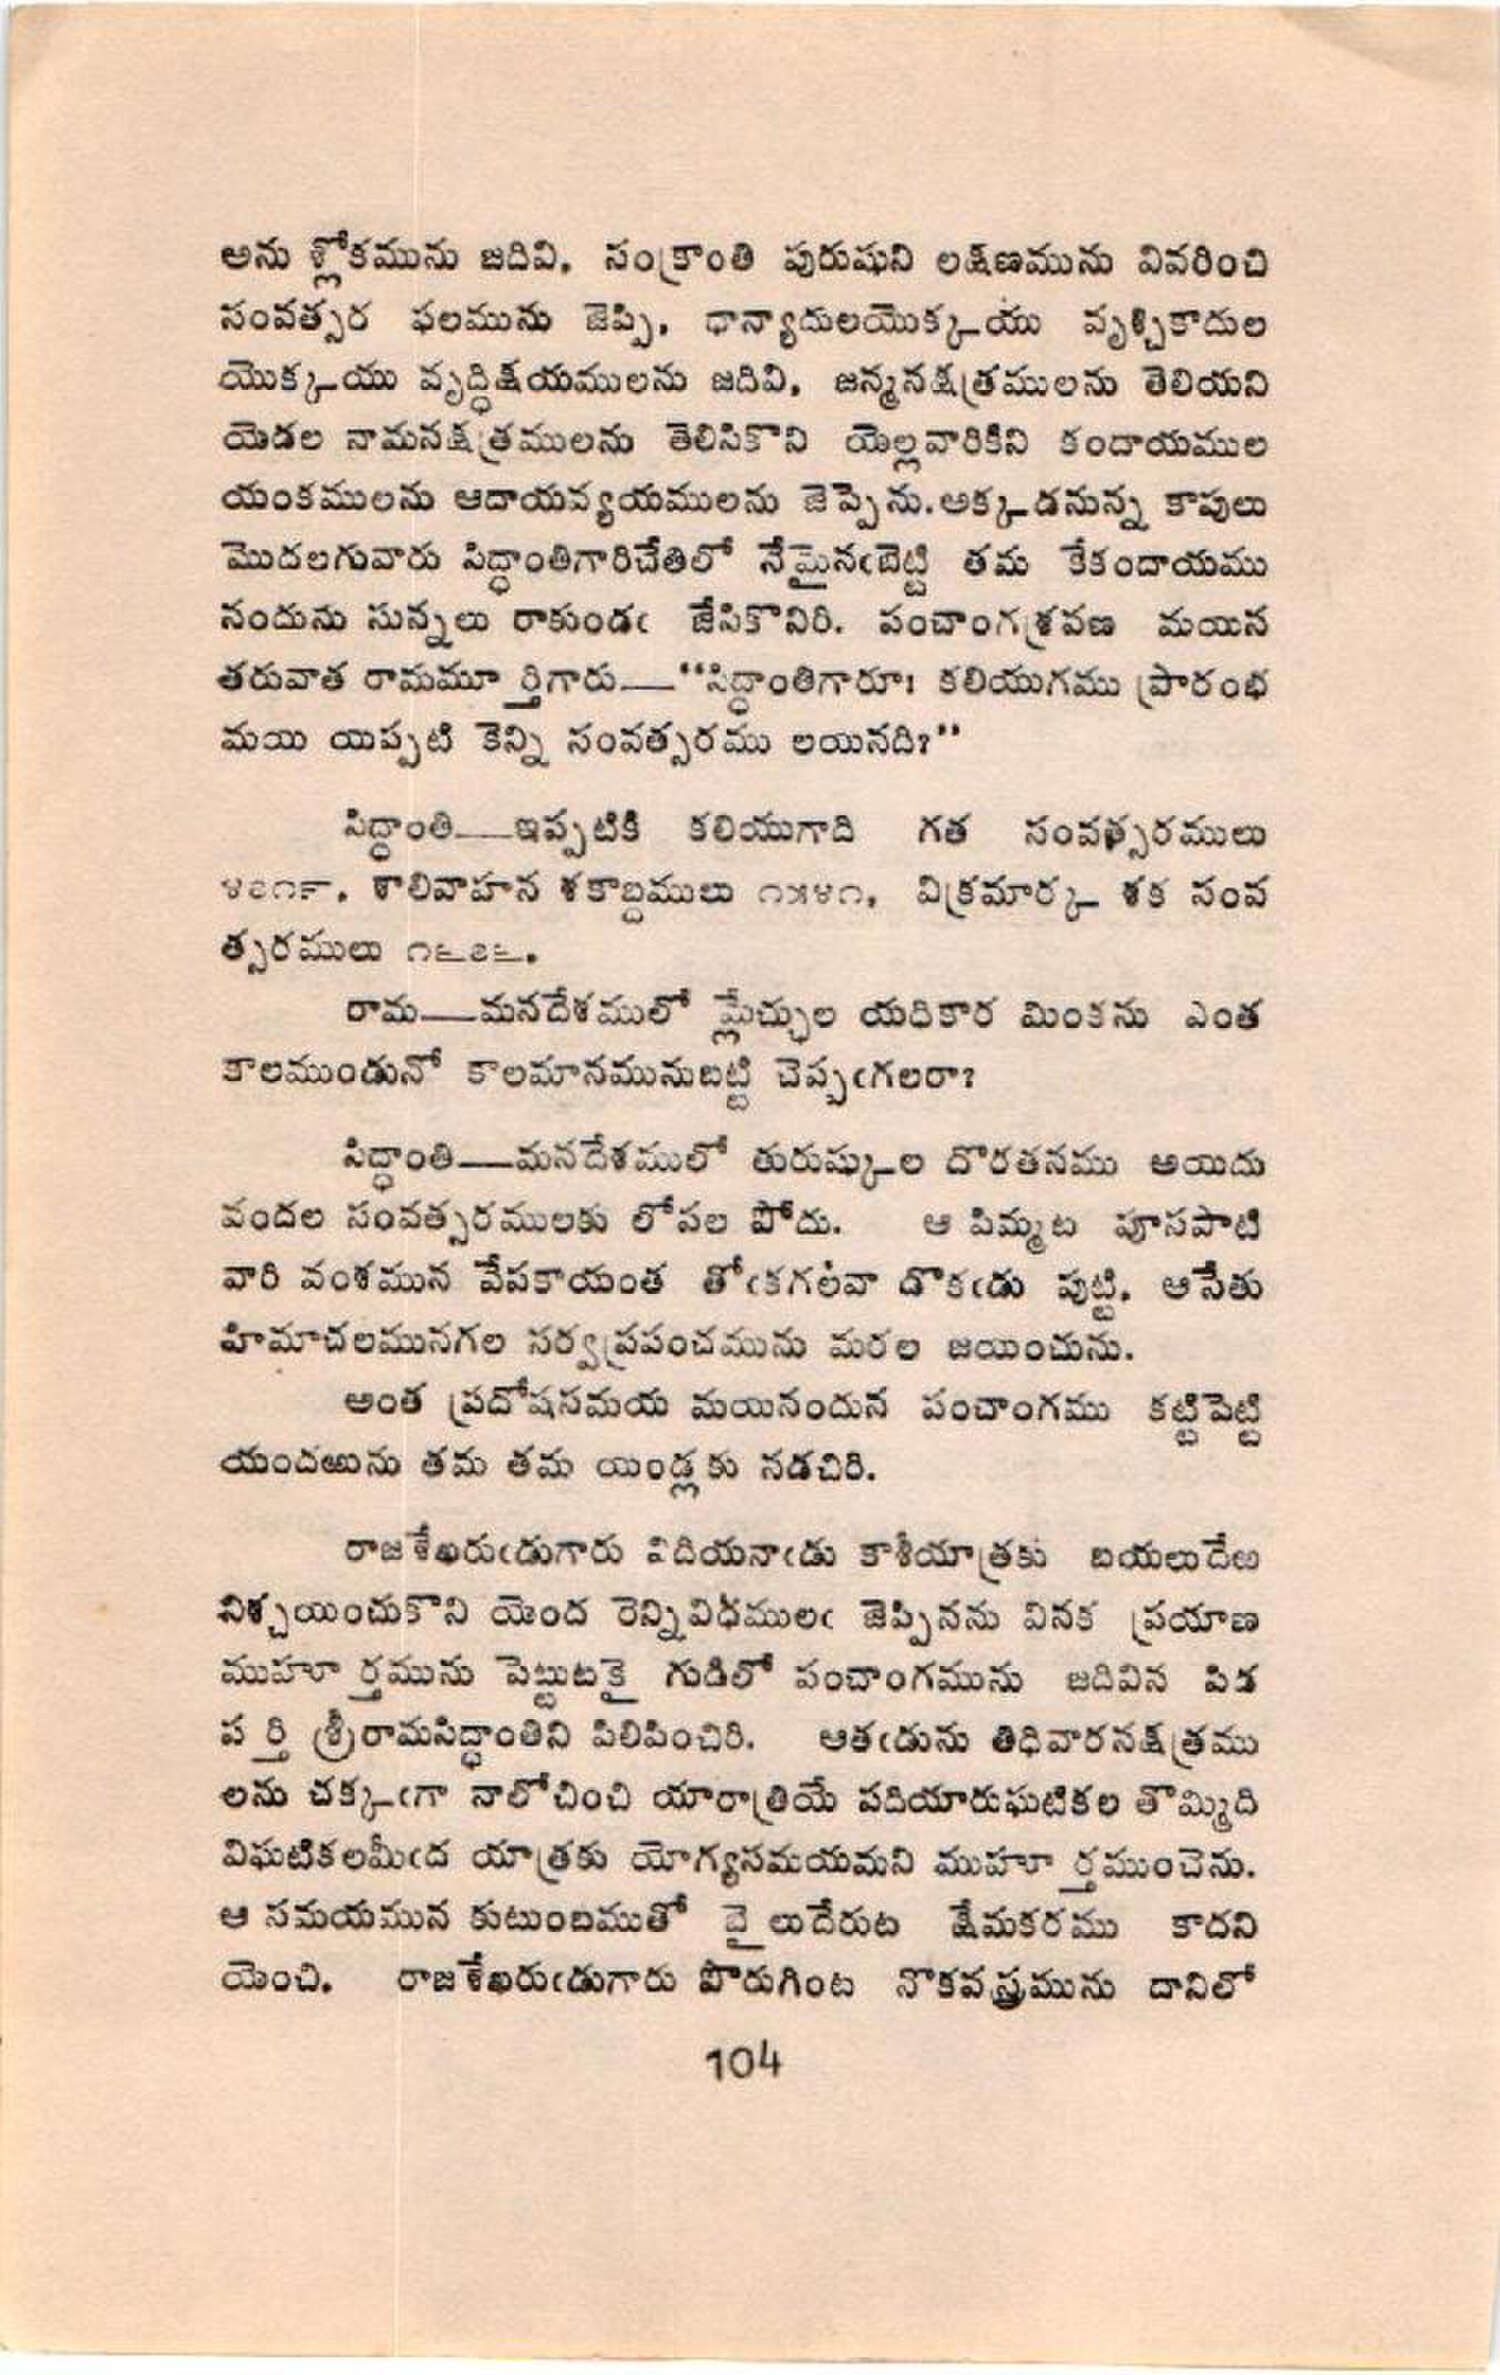అను శ్లోకమును జదివి, సంక్రాంతి పురుషుని లక్షణమును వివరించి సంవత్సర ఫలమును జెప్పి, ధాన్యాదులయొక్కయు వృశ్చికాదుల యొక్కయు వృద్ధి 
క్షయములను జదివి, జన్మనక్షత్రములను తెలియని యెడల
నామ నక్షత్రములను తెలిసికొని యెల్లవారికిని కందాయముల యంకములను ఆదాయవ్యయములను జెప్పెను. అక్కడనున్న కాపులు మొదలగువారు సిద్ధాంతిగారిచేతిలో నేమైనఁబెట్టి తమ కేకందాయము నందును సున్నలు రాకుండఁ జేసికొనిరి. పంచాంగశ్రవణ మయిన తరువాత రామమూర్తిగారు__"సిద్ధాంతిగారూ! కలియుగము ప్రారంభ మయి యిప్పటి కెన్ని సంవత్సరము లయినది?"

సిద్ధాంతి__ఇప్పటికి కలియుగాది గత సంవత్సరములు ౪౭౧౯, శాలివాహన శకొబ్దములు ౧౫౪౧, విక్రమార్క శక సంవ త్సరములు ౧౬౭౬.

రామ__మనదేశములో మ్లేచ్చుల యధికార మింకను ఎంత కాలముండునో కాలమానమునుబట్టి చెప్పఁగలరా?

సిద్ధాంతి__మనదేశములో తురుష్కుల దొరతనము అయిదు వందల సంవత్సరములకు లోపల పోదు. ఆ పిమ్మట పూసపాటి వారి వంశమున వేపకాయంత తోకగలవా డొకఁడు పుట్టి, ఆసేతు హిమాచలమునగల సర్వప్రపంచమును మరల జయించును.

అంత ప్రదోషసమయమయినందున పంచాంగము కట్టిపెట్టి యందఱును తమ తమ యిండ్లకు నడచిరి.

రాజశేఖరుఁడుగారు విదియనాఁడు కాశీయాత్రకు బయలుదేఱ నిశ్చయించుకొని యెంద రెన్నివిధములఁ జెప్పినను వినక ప్రయాణ ముహూర్తమును పెట్టుటకై గుడిలో పంచాంగమును జదివిన పిడపర్తి శ్రీరామసిద్ధాంతిని పిలిపించిరి. ఆతఁడును తిధివారనక్షత్రము లను చక్కఁగా నాలోచించి యారాత్రియే పదియారుఘటికల తొమ్మిది విఘటికలమీఁద యాత్రకు యోగ్యసమయమని ముహూర్తముంచెను. ఆ సమయమున కుటుంబముతో బైలుదేరుట క్షేమకరము కాదని యెంచి, రాజశేఖరుఁడుగారు పొరుగింట నొకవస్త్రమును దానిలో